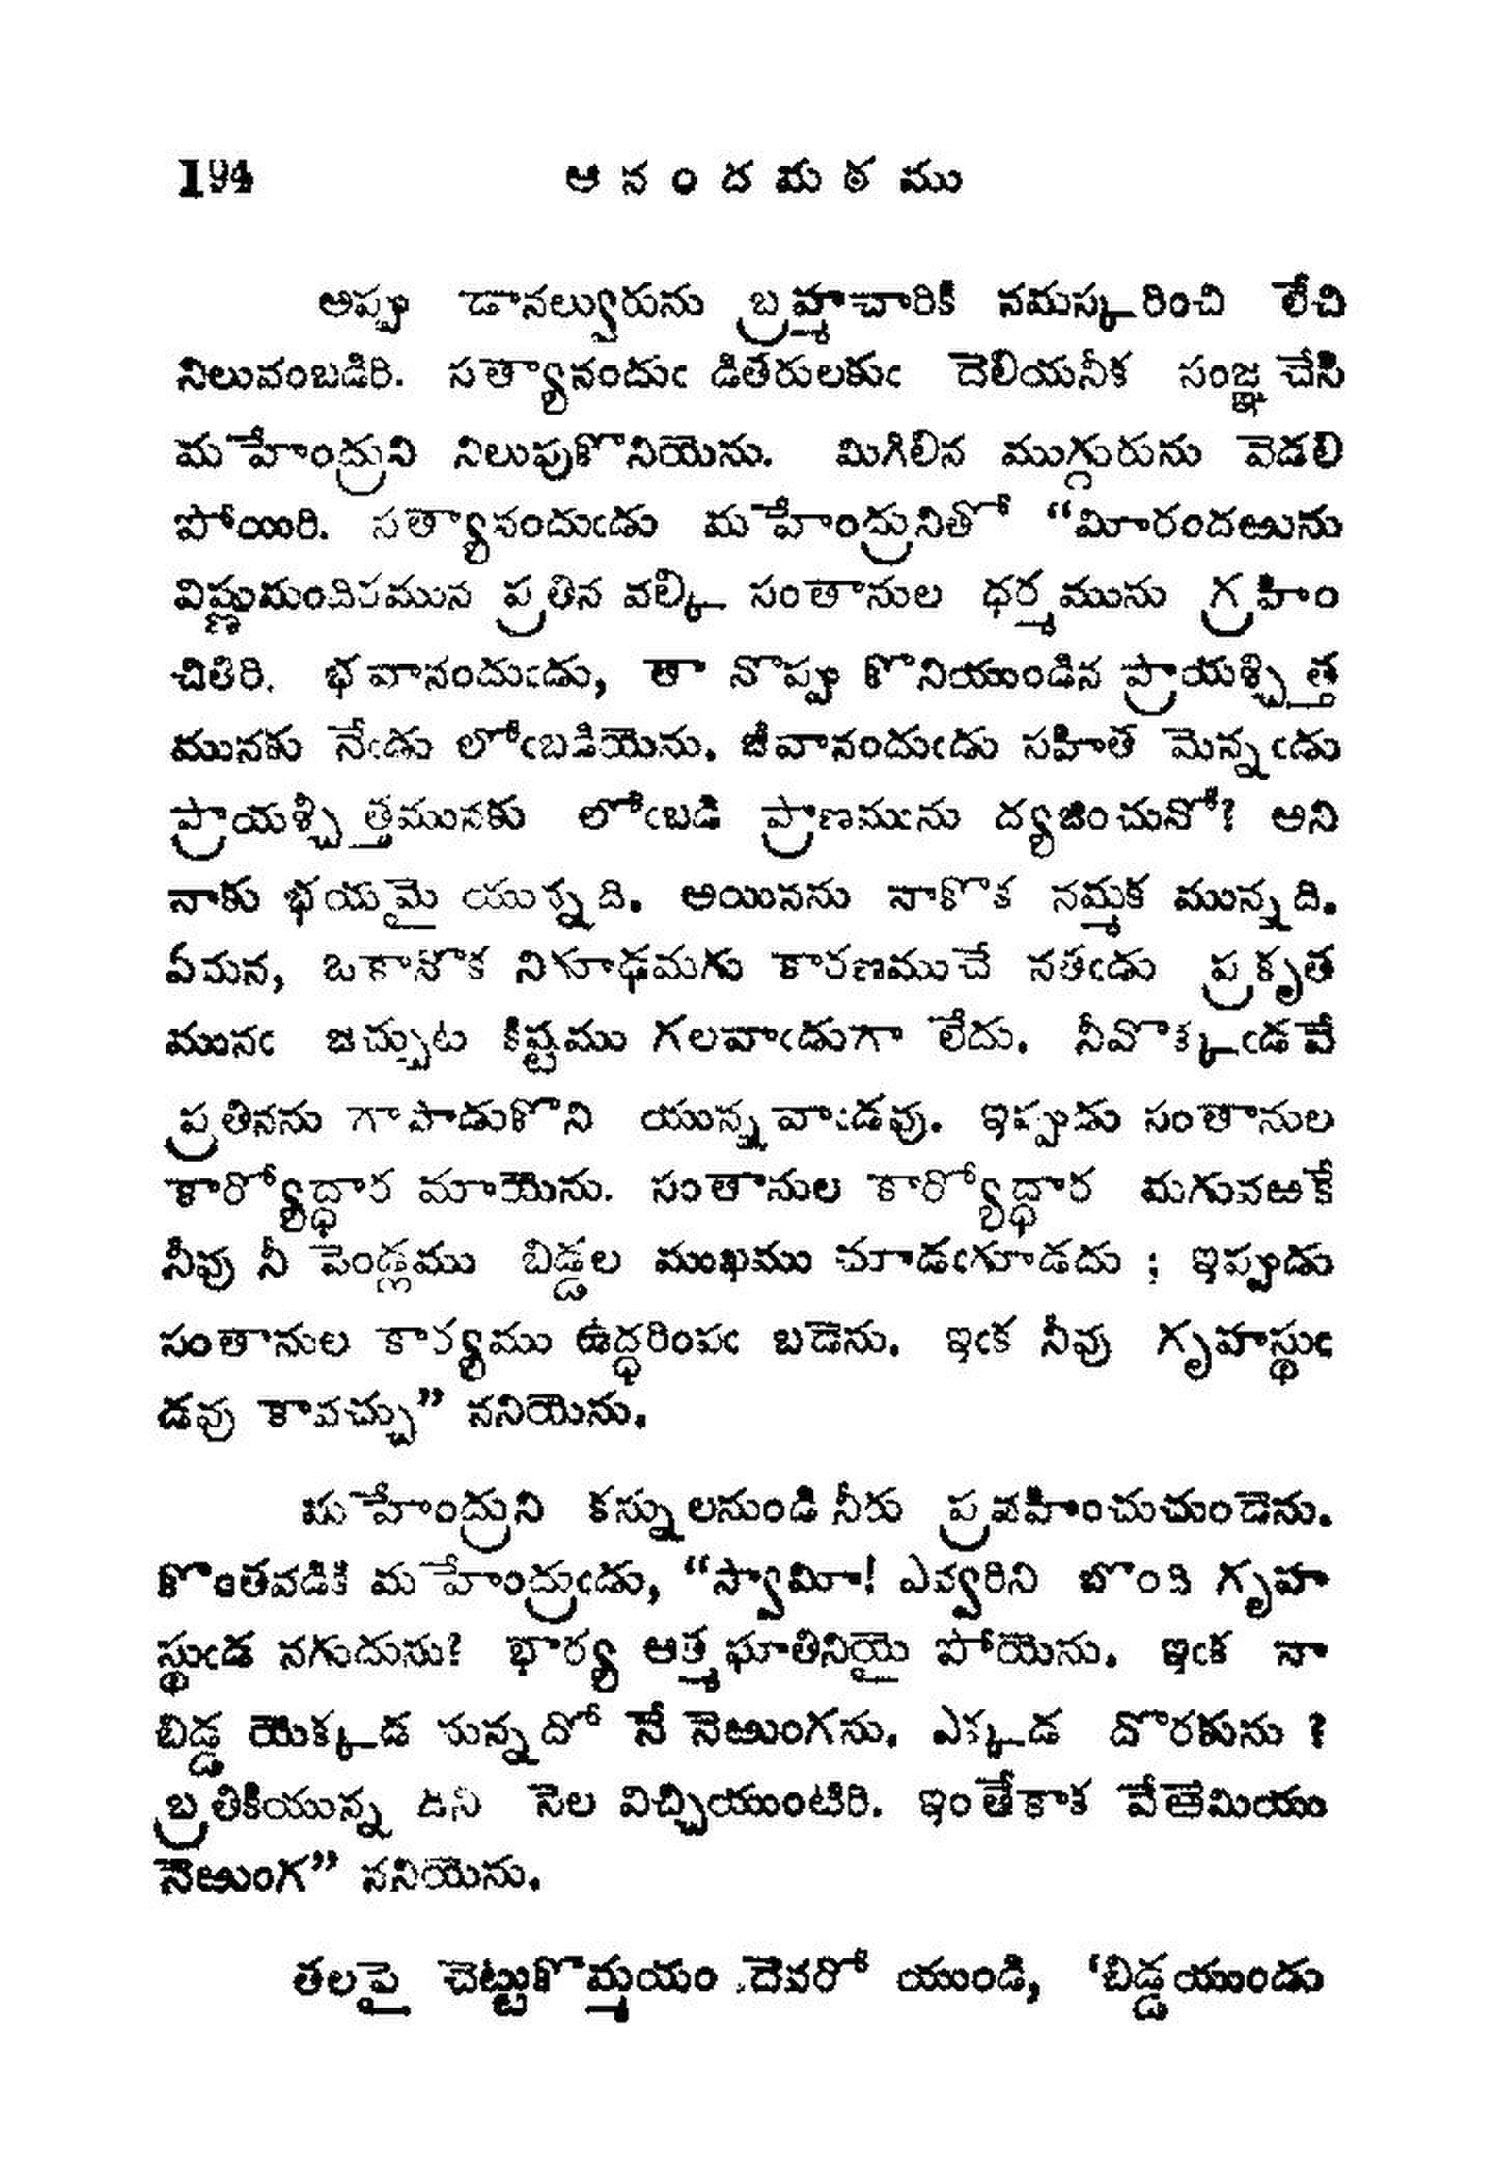అప్పు డానల్వురును బ్రహ్మచారికి నమస్కరించి లేచి నిలువంబడిరి. సత్యానందుఁ డితరులకుఁ దెలియనీక సంజ్ఞ చేసి
మహేంద్రుని నిలుపుకొనియెను. మిగిలిన ముగ్గురును వెడలి పోయిరి. సత్యానందుఁడు మహేంద్రునితో “మీరందఱును
విష్ణు మందిరమున ప్రతిన వల్కి సంతానుల ధర్మమును గ్రహించితిరి. భవానందుఁడు, తా నొప్పుకొనియుండిన ప్రాయశ్చిత్త
మునకు నేఁడు లోఁబడియెను, జీవానందుఁడు సహిత మెన్నఁడు ప్రాయశ్చిత్తమునకు లోఁబడి ప్రాణమును ద్యజించునో? అని నాకు భయమై యున్నది. అయినను నాకొక నమ్మక మున్నది. ఏమన, ఒకానొక నిగూఢమగు కారణముచే నతఁడు ప్రకృతమునఁ జచ్చుట కిష్టము గలవాఁడుగా 'లేదు. నీవొక్కఁడవే ప్రతినను గాపాడుకొని యున్న వాఁడవు. ఇప్పుడు సంతానుల కార్యోద్ధార మాయెను. సంతానుల కార్యోద్ధార మగువఱకే నీవు నీ పెండ్లము బిడ్డల ముఖము చూడఁగూడదు; ఇప్పుడు సంతానుల కార్యము ఉద్ధరింపఁ బడెను. ఇఁక నీవు గృహస్థుఁడవు కావచ్చు” ననియెను.

మహేంద్రుని కన్నులనుండి నీరు ప్రవహించుచుండెను. కొంతవడికి మహేంద్రుఁడు, "స్వామీ! ఎవ్వరిని బొంది గృహస్థుఁడ నగుదును? భార్య ఆత్మ ఘాతినియై పోయేను. ఇంక నా బిడ్డ యెక్కడ చున్నదో నే నెఱుంగను. ఎక్కడ దొరకును ?
బ్రతికియున్న దని సెల విచ్చియుంటిరి. ఇంతేకాక "వేఱేమియు నెఱుంగ" ననియెను.

తలపై చెట్టుకొమ్మయం దేవరో యుండి, 'బిడ్డ యుండు